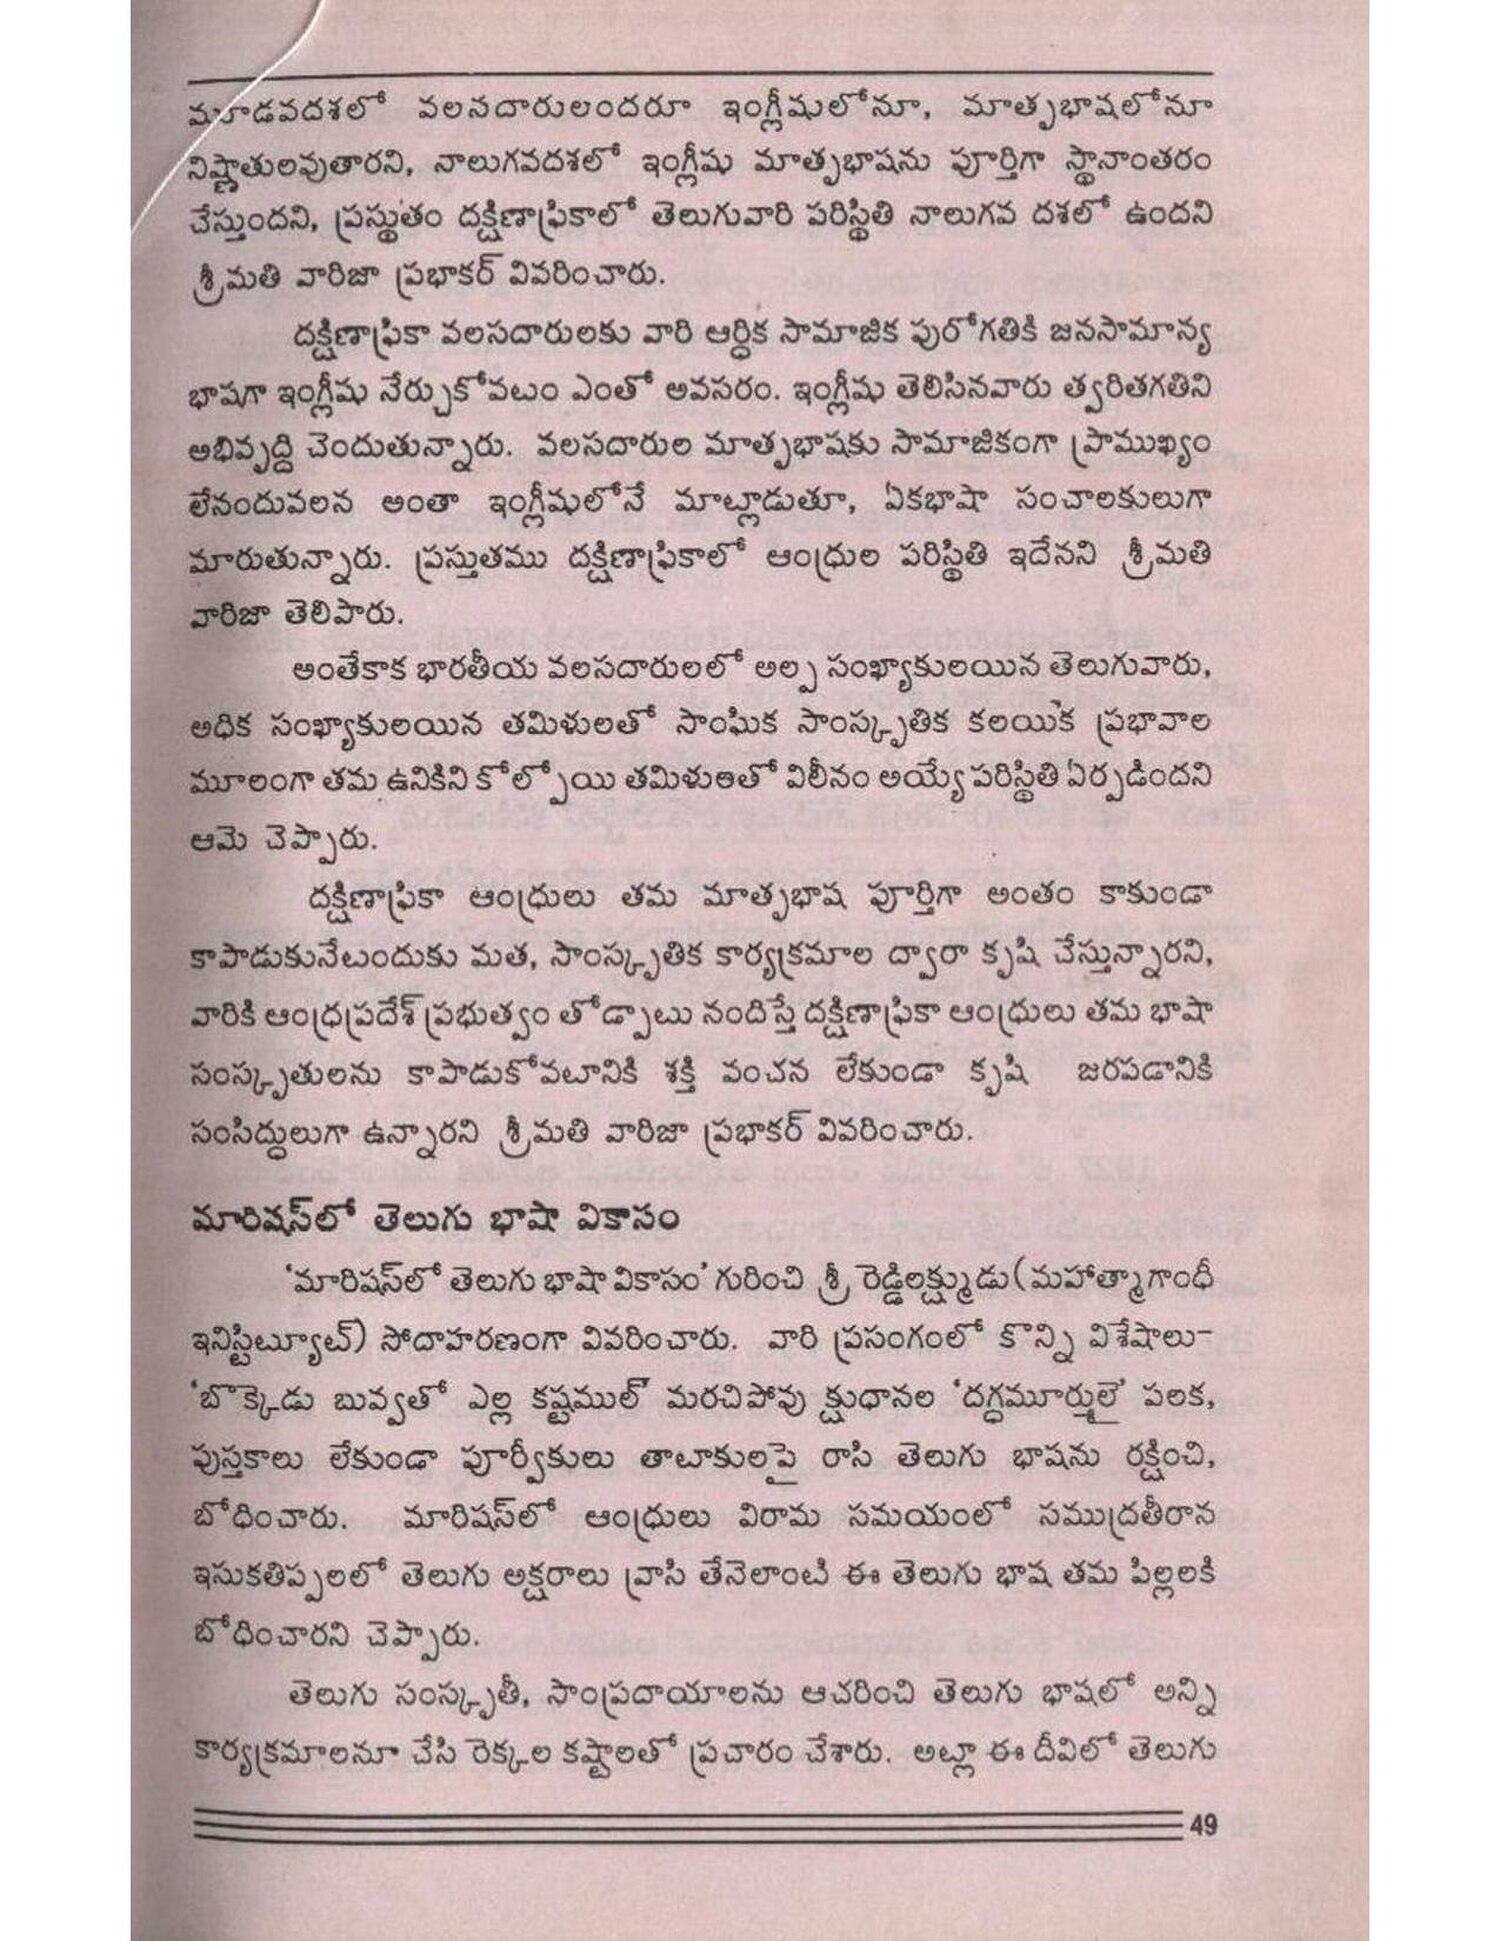మూడవదశలో వలసదారులందరూ ఇంగ్లీషులోనూ, మాతృభాషలోనూ నిష్ణాతులవుతారని, నాలుగవదశలో ఇంగ్లీషు మాతృభాషను పూర్తిగా స్థానాంతరం చేస్తుందని, ప్రస్తుతం దక్షిణాఫ్రికాలో తెలుగువారి పరిస్థితి నాలుగవ దశలో ఉందని శ్రీమతి వారిజా ప్రభాకర్ వివరించారు.

దక్షిణాఫ్రికా వలసదారులకు వారి ఆర్ధిక సామాజిక పురోగతికి జనసామాన్య భాషగా ఇంగ్లీషు నేర్చుకోవటం ఎంతో అవసరం. ఇంగ్లీషు తెలిసినవారు త్వరితగతిని ఆభివృద్ధి చెందుతున్నారు. వలసదారుల మాతృభాషకు సామాజికంగా ప్రాముఖ్యం లేనందువలన అంతా ఇంగ్లీషులోనే మాట్లాడుతూ, ఏకభాషా సంచాలకులుగా మారుతున్నారు. ప్రస్తుతము దక్షిణాఫ్రికాలో ఆంధ్రుల పరిస్థితి ఇదేనని శ్రీమతి వారిజా తెలిపారు.

అంతేకాక భారతీయ వలసదారులలో అల్పసంఖ్యాకులయిన తెలుగువారు, అధిక సంఖ్యాకులయిన తమిళులతో సాంఘిక సాంస్కృతిక కలయిక ప్రభావాల మూలంగా తమ ఉనికిని కోల్పోయి తమిళులతో విలీనం అయ్యే పరిస్థితి ఏర్పడిందని ఆమె చెప్పారు. 

దక్షిణాఫ్రికా ఆంధ్రులు తమ మాతృభాష పూర్తిగా అంతం కాకుండా కాపాడుకునేటందుకు మత, సాంస్కృతిక కార్యక్రమాల ద్వారా కృషి చేస్తున్నారని, వారికి ఆంధ్రప్రదేశ్ ప్రభుత్వం తోడ్పాటు నందిస్తే దక్షిణాఫ్రికా ఆంధ్రులు తమ భాషా సంస్కృతులను కాపాడుకోవటానికి శక్తి వంచన లేకుండా కృషి జరపడానికి సంసిద్దులుగా ఉన్నారని శ్రీమతి వారిజా ప్రభాకర్ వివరించారు.

మారిషస్‌లో తెలుగు భాషా వికాసం

'మారిషస్‌లో తెలుగు భాషావికాసం' గురించి శ్రీ రెడ్డిలక్ష్ముడు(మహాత్మాగాంధీ ఇనిస్టిట్యూట్) సోదాహరణంగా వివరించారు. వారి ప్రసంగంలో కొన్ని విశేషాలు బొక్కెడు బువ్వతో ఎల్ల కష్టముల్ మరచిపోవు క్షుధానల దగ్ధమూర్తులై పరిక, పుస్తకాలు లేకుండా పూర్వీకులు తాటాకులపై రాసి తెలుగు భాషను రక్షించి, బోధించారు. మారిషస్‌లో ఆంధ్రులు విరామ సమయంలో సముద్రతీరాన ఇసుకతిప్పలలో తెలుగు అక్షరాలు వ్రాసి తేనెలాంటి ఈ తెలుగు భాష తమ పిల్లలకి బోధించారని చెప్పారు.

తెలుగు సంస్కృతీ, సాంప్రదాయాలను ఆచరించి తెలుగు భాషలో అన్ని కార్యక్రమాలనూ చేసి రెక్కల కష్టాలతో ప్రచారం చేశారు. అట్లా ఈ దీవిలో తెలుగు